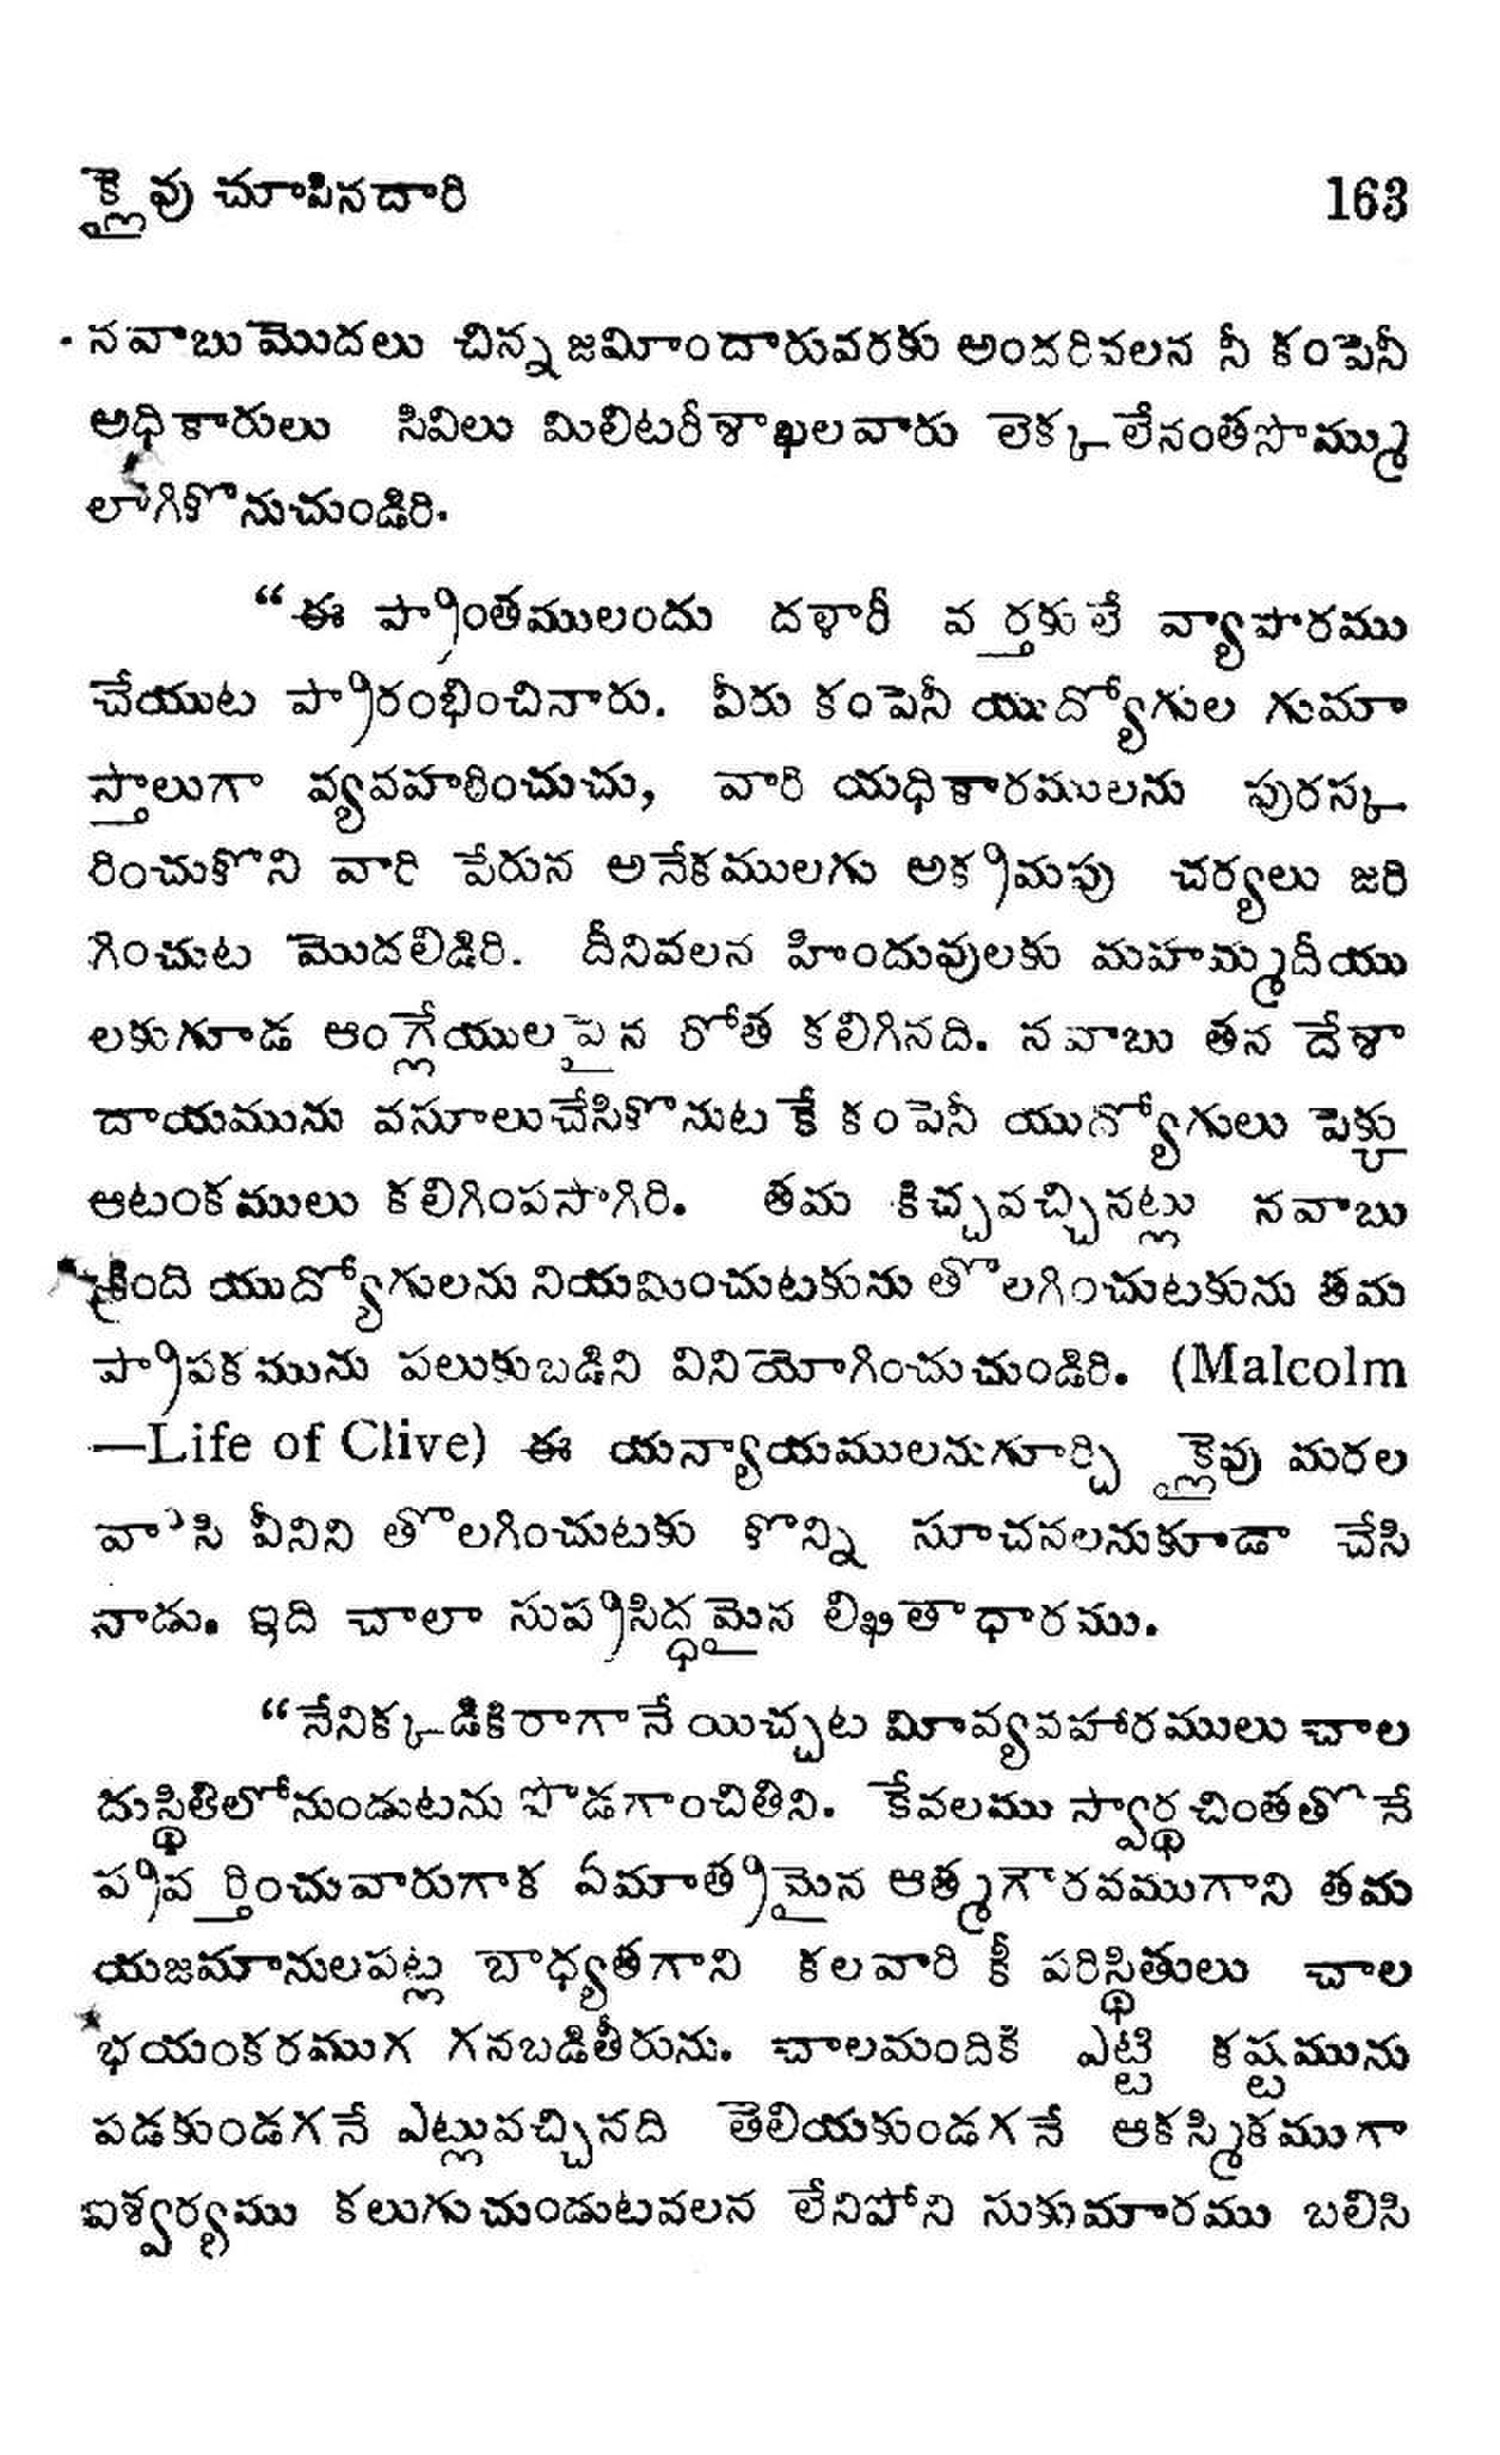నవాబుమొదలు చిన్నజమిందారువరకు అందరివలన నీ కంపెనీ అధికారులు సివిలు మిలిటరీశాఖలవారు లెక్కలేనంత సొమ్ము లాగికొనుచుండిరి.

"ఈ ప్రాంతములందు దళారీ వర్తకులే వ్యాపారము చేయుట ప్రారంభించినారు. వీరు కంపెనీ యుద్యోగుల గుమాస్తాలుగా వ్యవహరించుచు, వారి యధికారములను పురస్కరించుకొని వారి పేరున అనేకములగు అక్రమపు చర్యలు జరిగించుట మొదలిడిరి. దీనివలన హిందువులకు మహమ్మదీయులకుగూడ ఆంగ్లేయులపైన రోత కలిగినది. నవాబు తన దేశాదాయమును వసూలు చేసికొనుటకే కంపెనీ యుగ్యోగులు పెక్కు ఆటంకములు కలిగింపసాగిరి. తమ కిచ్చవచ్చినట్లు నవాబు క్రింది యుద్యోగులను నియమించుటకును తొలగించుటకును తమ ప్రాపకమును పలుకుబడిని వినియోగించుచుండిరి. (Malcolm Life of Clive) ఈ యన్యాయములనుగూర్చి క్లైవు మరల వ్రాసి వీనిని తొలగించుటకు కొన్ని సూచనలనుకూడా చేసినాడు. ఇది చాలా సుప్రసిద్ధమైన లిఖితాధారము.

"నేనిక్కడికిరాగానే యిచ్చట మీవ్యవహారములు చాల దుస్థితిలోనుండుటను పొడగాంచితిని. కేవలము స్వార్థచింతతోనే ప్రవర్తించువారుగాక ఏమాత్రమైన ఆత్మగౌరవముగాని తమ యజమానులపట్ల బాధ్యతగాని కలవారి కీ పరిస్థితులు చాల భయంకరముగ గనబడితీరును. చాలమందికి ఎట్టి కష్టమును పడకుండగనే ఎట్లువచ్చినది తెలియకుండగనే ఆకస్మికముగా ఐశ్వర్యము కలుగుచుండుటవలన లేనిపోని సుకుమారము బలిసి